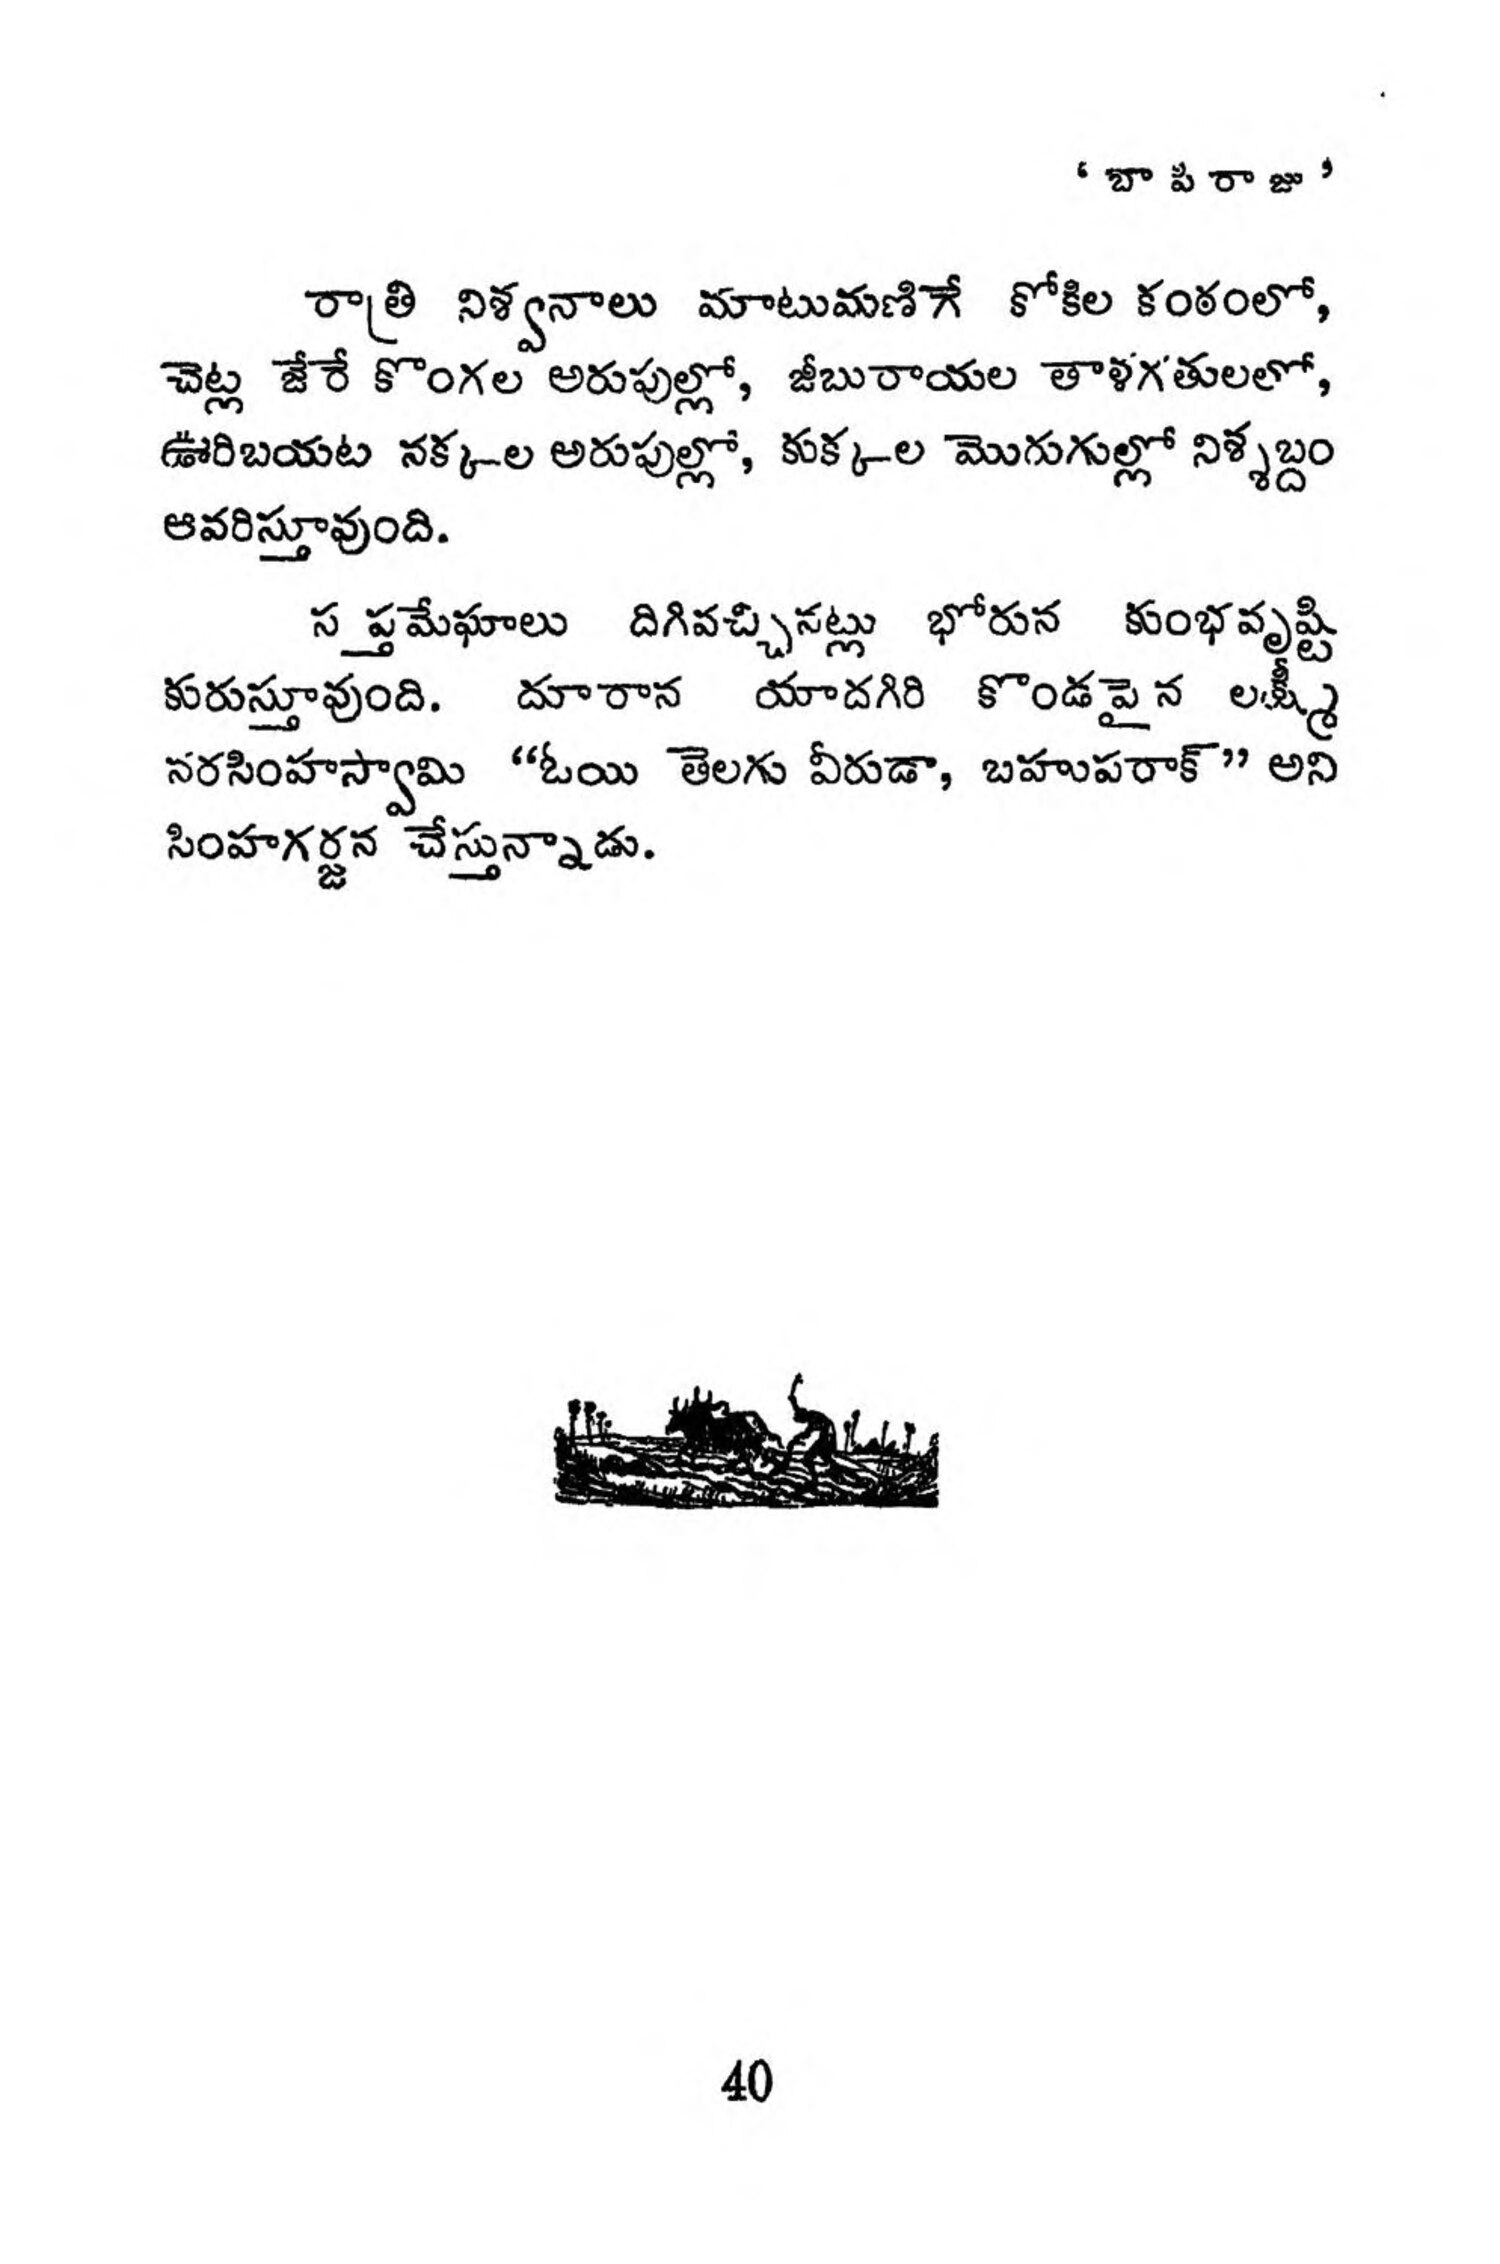రాత్రి నిశ్వనాలు మాటుమణిగే కోకిల కంఠంలో, చెట్ల జేరే కొంగల అరుపుల్లో, జీబురాయల తాళగతులలో, ఊరిబయట నక్కల అరుపుల్లో, కుక్కల మొరుగుల్లో నిశ్శబ్దం ఆవరిస్తూవుంది.

సప్తమేఘాలు దిగివచ్చినట్లు భోరున కుంభవృష్టి కురుస్తూవుంది. దూరాన యాదగిరి కొండపైన లక్ష్మీ నరసింహస్వామి "ఓయి తెలుగు వీరుడా, బహుపరాక్" అని సింహగర్జన చేస్తున్నాడు.